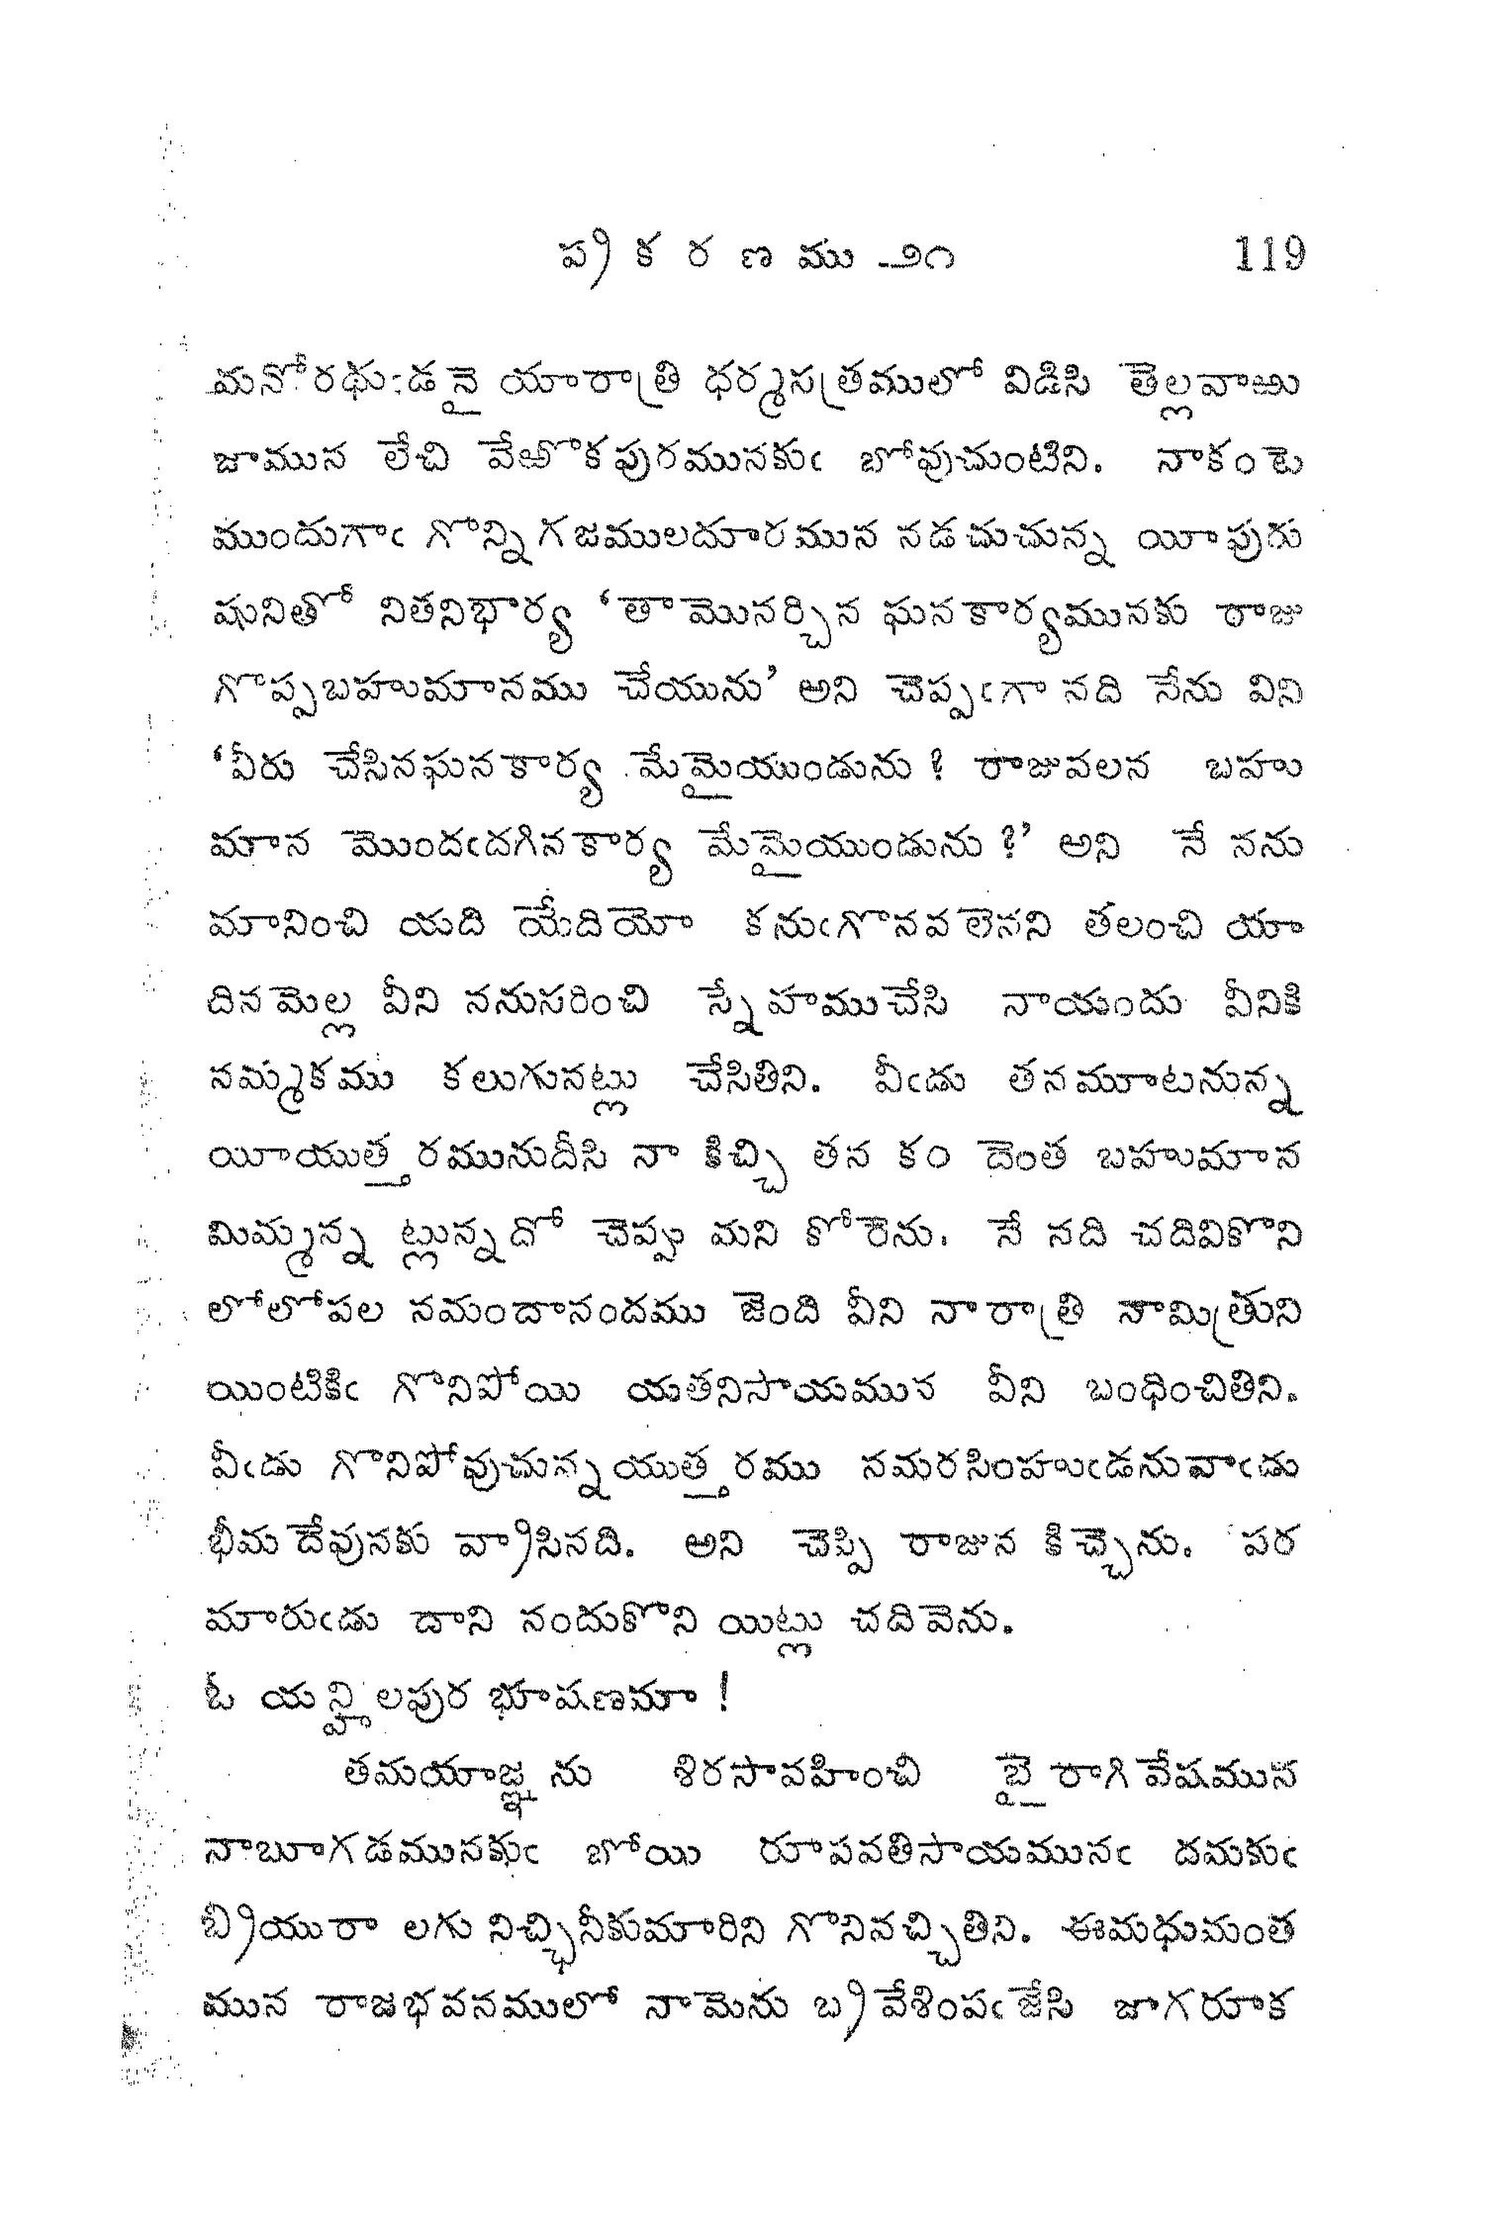బహు దిన మెల్ల మనోరథుఁడ వై యారాత్రి ధర్మసత్రములో విడిసి 'తెల్లవాజుఱు జామున లేచి వేఱొక పురమునకుఁ బోవుచుంటిని. నాకంటే ముందుగాఁ గోన్ని గజములదూరమున నడచుచున్న యీ పురు షునితో నితని భార్య 'తా మొనర్చిన ఘన కార్యమునకు రాజు గొప్ప బహుమానము చేయును' అని చెప్పఁగా నది నేను విని ‘ వీరు చేసిన ఘన కార్య .మేమైయుండును ? రాజువలన బహు మాన "మొందఁదగిన కార్య మేమైయుండును ?' అని 'నే నను మానించి యది యేదియో కనుఁగొనవలెనని తలంచి యా వీని ననుసరించి స్నేహము చేసి నాయందు వీనికి నమ్మకము కలుగునట్లు చేసితిని. వీఁడు తనమూటనున్న యీ యుత్త రమునుదీసి నా కిచ్చి తన కం దెంత బహుమాన మిమ్మన్న ట్లున్నదో చెప్పు మని కోరెను. నే నది చదివికొని లోలోపల నమందానందము జెంది వీని నా రాత్రి సౌమిత్రుని యింటికిఁ గొనిపోయి యతనిసాయమున వీని బంధించితిని. వీఁడు గొనిపోవుచున్నం యుత్త రము నమర సింహుఁడనువాఁడు భీమ దేవునకు వ్రాసినది. అని చెప్పి రాజున కి చ్చెను. 'పర మారుఁడు దాని నందుకొని యిటు చదివెను. యన్డిలపుర భూషణమా ! తమయాజ్ఞను శిరసావహించి బై రాగి వేషమున నాబూగడమునకుఁ బోయి రూపవతి సాయమునఁ దమకుఁ బ్రియు రా లగు నిచ్ఛినీకుమారిని గోనినచ్చితిని. ఈ మధుమంత మున రాజభవనములో నామెను బ్రవేశింపఁ జేసి జాగరూక